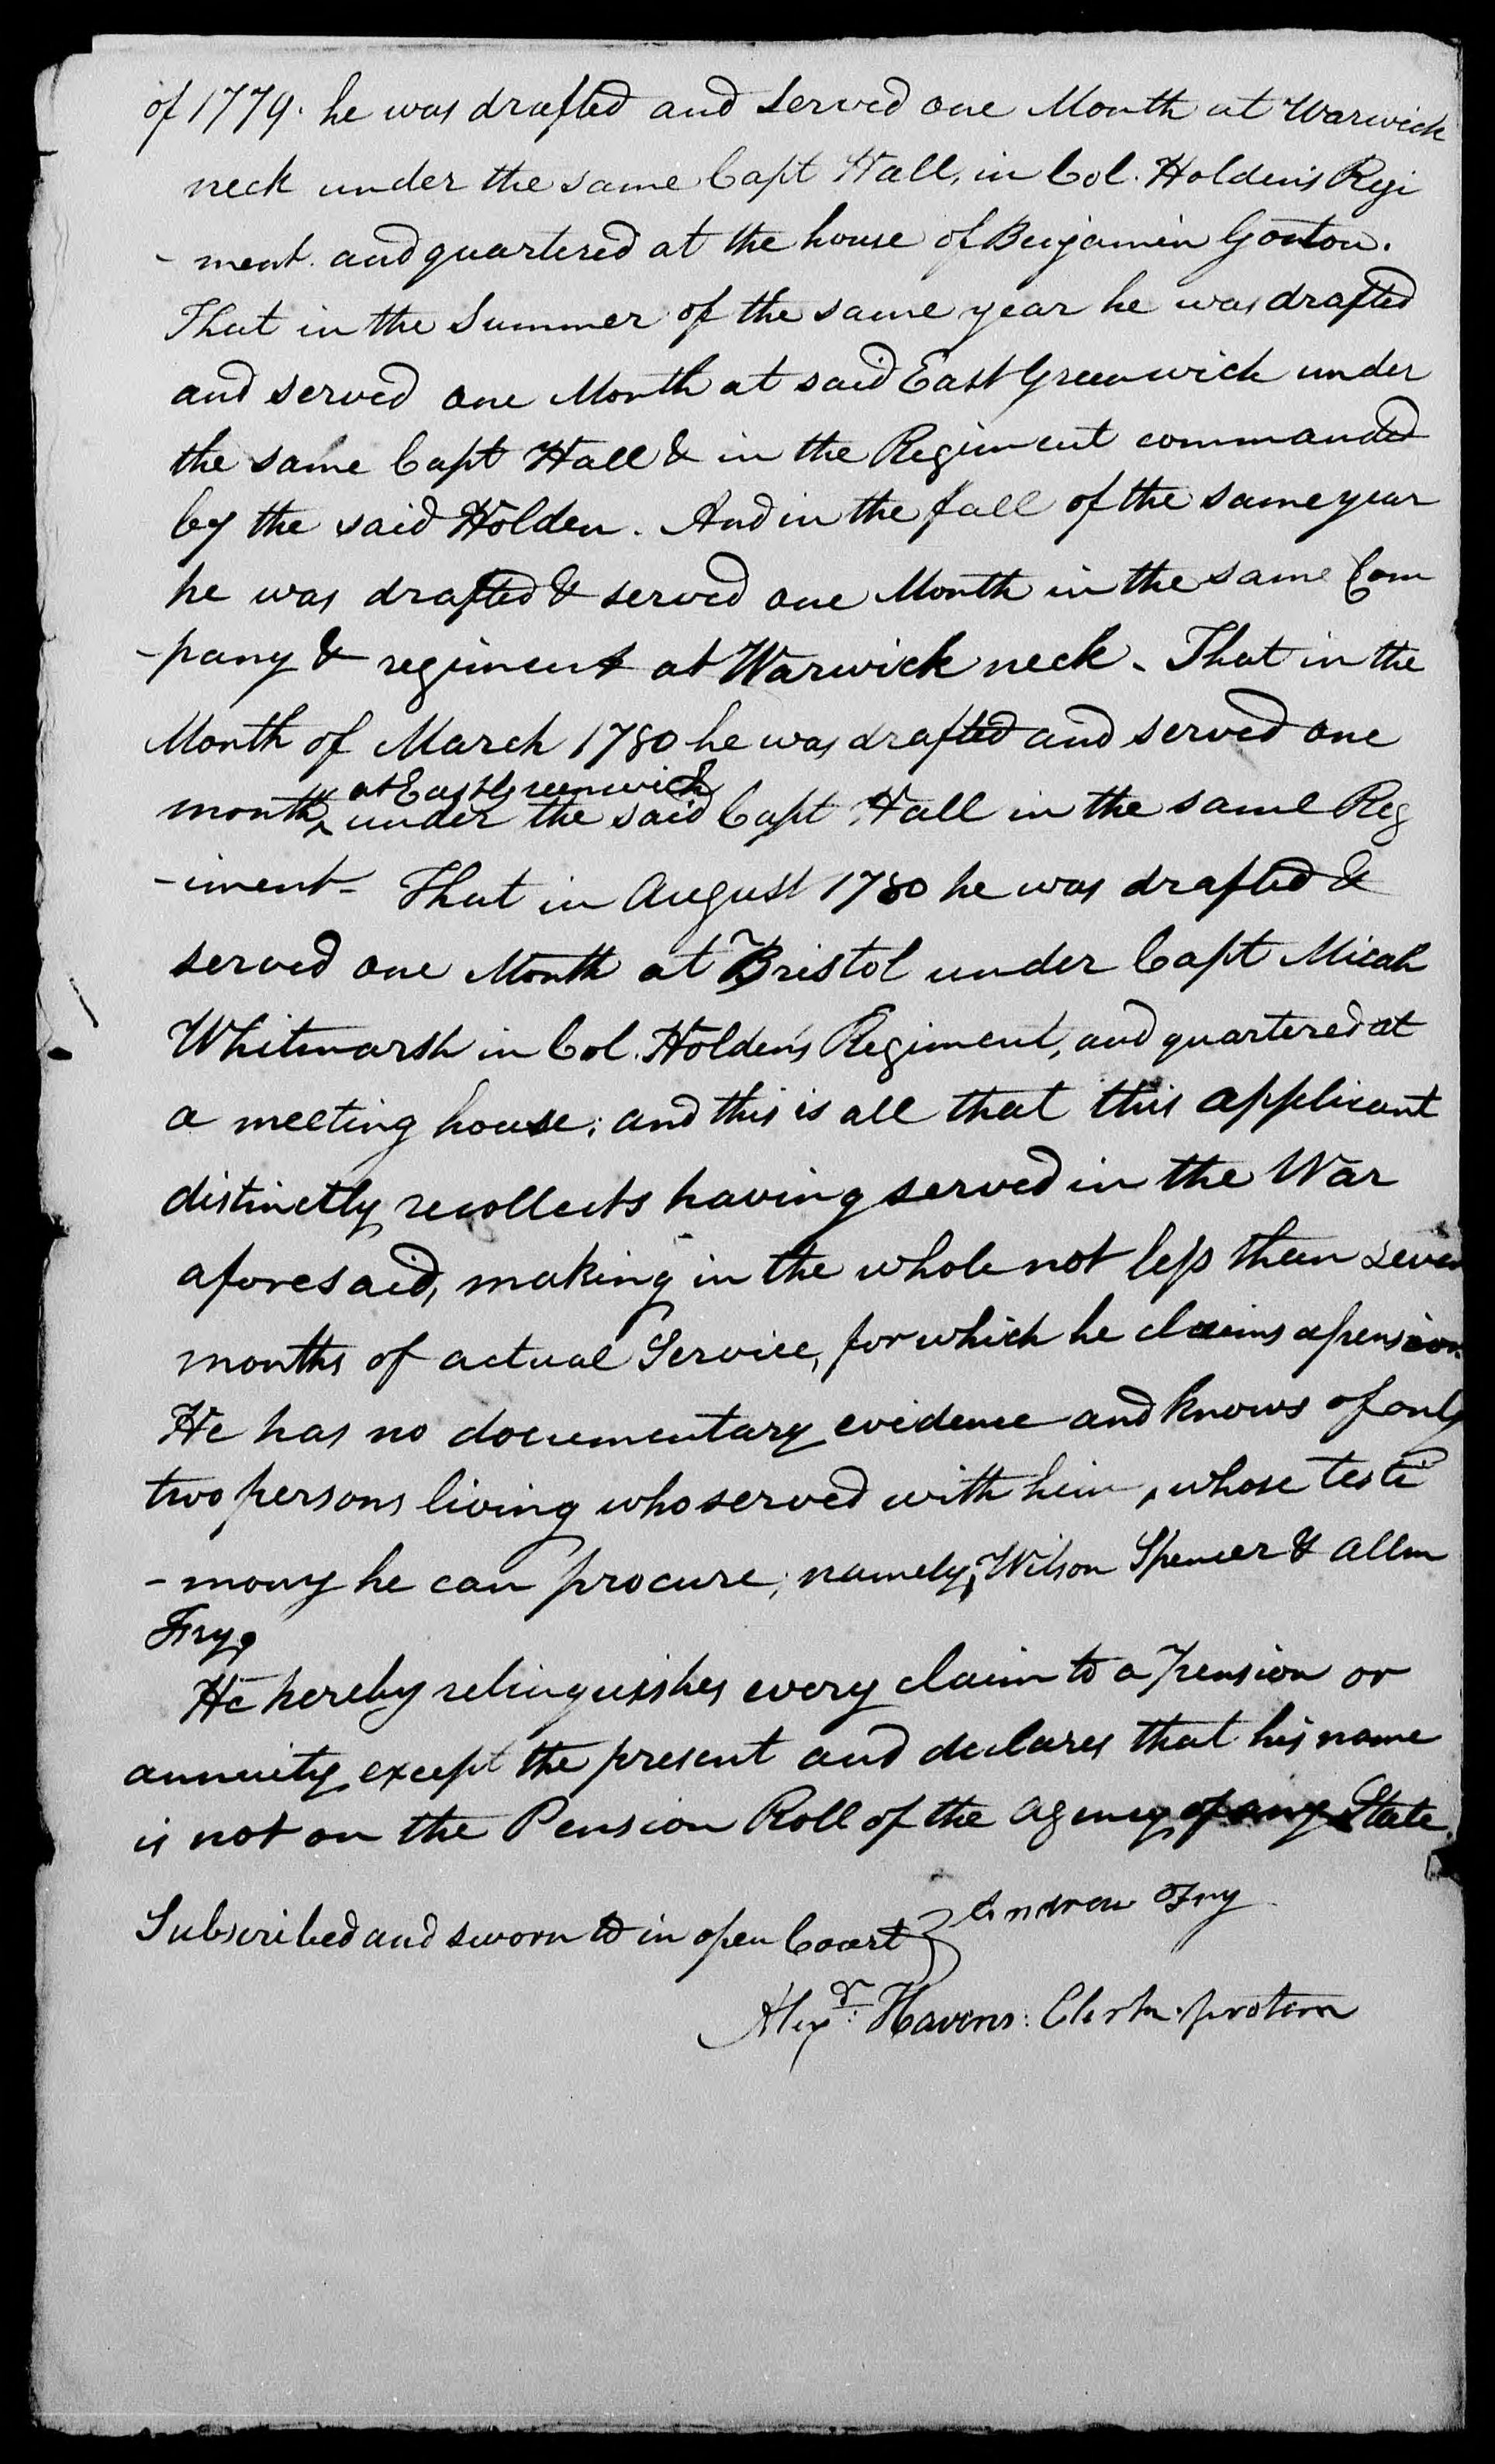of 1779 he was drafted and served one month at Warwick neck under the same Capt Hall in Col Holden's regiment and quartered at the house of Benjamin Goston. That in the summer of the same year he was drafted and served on month at said East Greenwich under the same Capt Hall and in the regiment commanded by the said Holden. And in the fall of the same year he was drafted and served one month in the same company and regiment at Warwick neck. That in the month of March 1780 he was drafted and served one month at East Greenwich under the said Capt Hall in the same regiment. That in August 1780 he was drafted and served one month at Bristol under Capt Micah Whitmarsh in Col Holden's regiment and quartered at a meeting house and this is all that this applicant distinctly recollects having served in the war aforesaid making in the whole not up their service months of actual service, for which he claims a pension. He has no documentary evidence and knows of only two persons living who service with him whose testimony he can procure, namely Wilson Spencer and Allen Fry.
He Hereby relinquishes every claim to a pension or annuity except the present and declares that his name is not on the Pension Roll of the agency of State.

Subscribed and sworn to in open court Andrew Fry
Alexander Havens Clark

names: Holden, Allen Fry, Micah Whitmarsh, Hall, Alexdr Havens, Benjamin Gorton, Andrew Fry, Summer, Hall, Wilson Spencer, Hall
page: 6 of 9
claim: survivor's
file: S. 21,760, Andrew Fry, R.I.